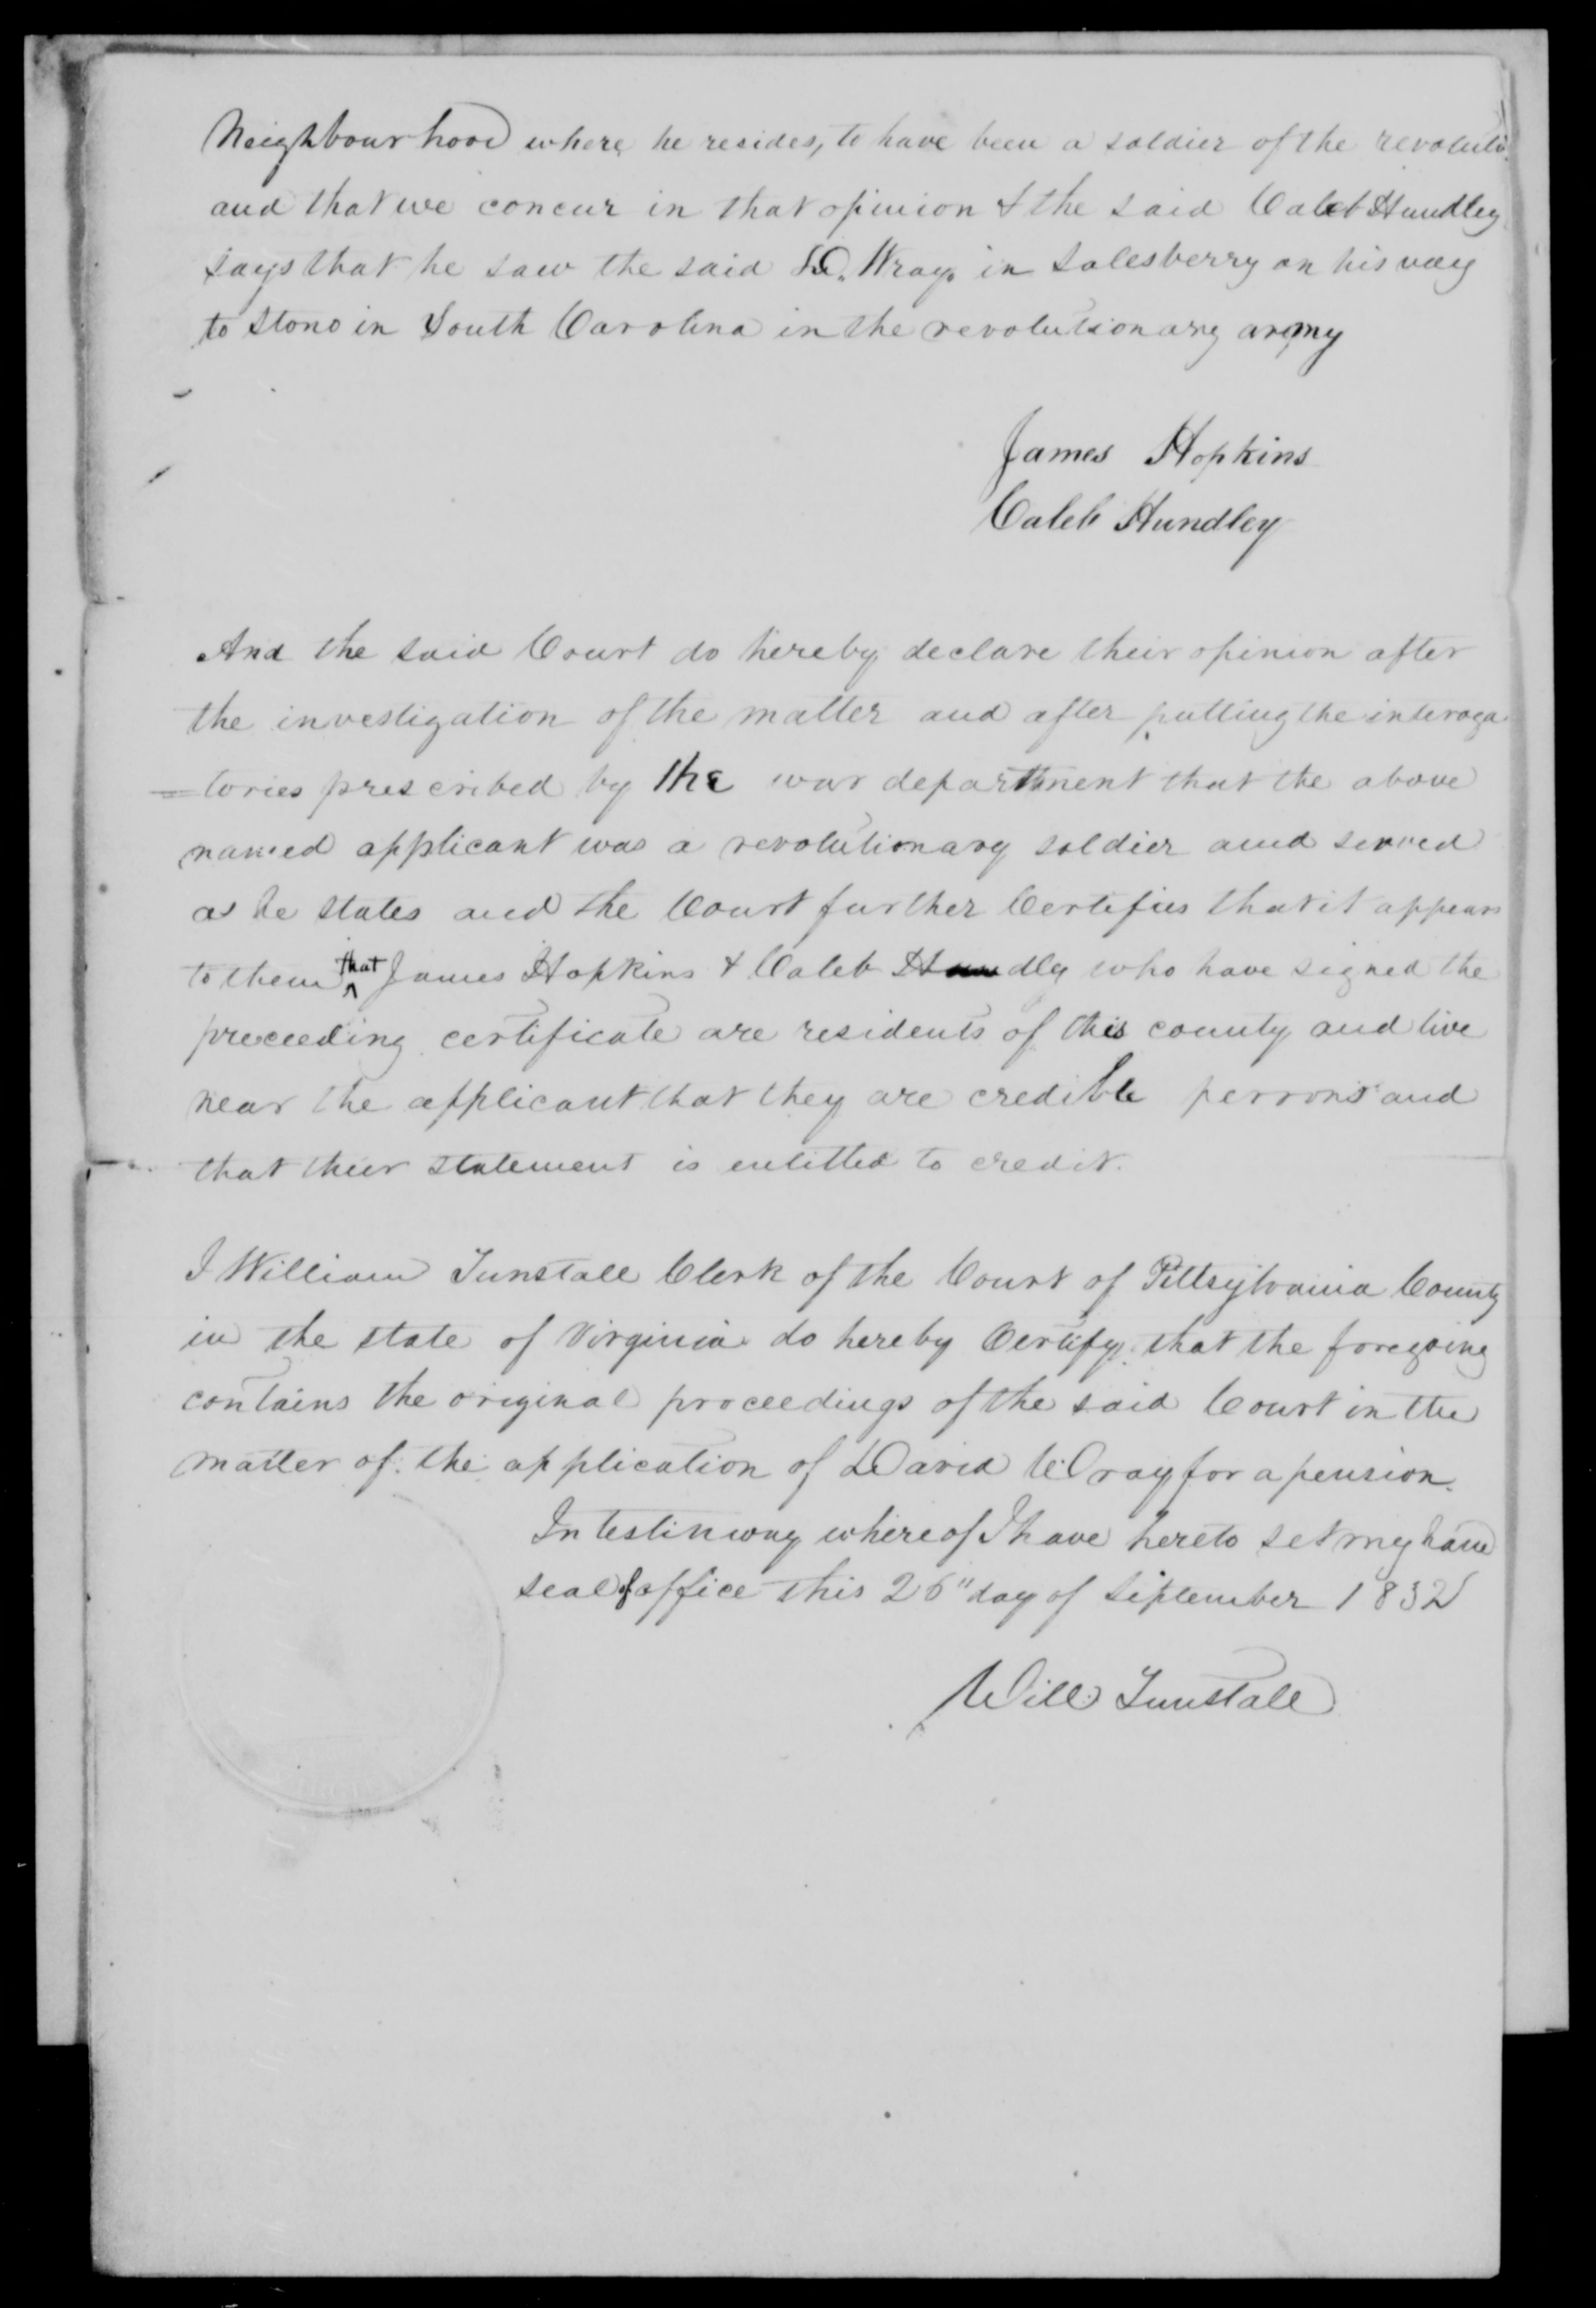neighborhood where he resides, to have been a soldier of the revolution and that we concur in that opinion + the said Caleb Hundley says that he saw the said D. Wray in Salesberry on his way to Stone in South Carolina in the revolutionary army.
James Hopkins
Caleb Hundley

And the said Court do hereby declare their opinion after the investigation of the matter and after putting the interrogatories prescribed by the war department that the above named applicant was a revolutionary soldier and served as he states and the Court further Certifies that it appears to them that James Hopkins + Caleb Hundley who have signed the preceeding certificate are residents of this county and live near the applicant that they are credible persons and that their statement is entitled to credit.

I William Tunstall Clerk of the Court of Pittsylvania County in the state of Virginia do hereby Certify that the foregoing contains the original proceedings of the said Court in the matter of the application of David Wray for a pension.

In testimony whereof I have hereto set my hand seal of office this 26" day of September 1832
Will Tunstall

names: William Tunstall, Will Tunstall, James Hopkins, Caleb Hundley, D Wray, David Wray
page: 5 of 19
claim: survivor's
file: S. 7,973, David Wray, Va.